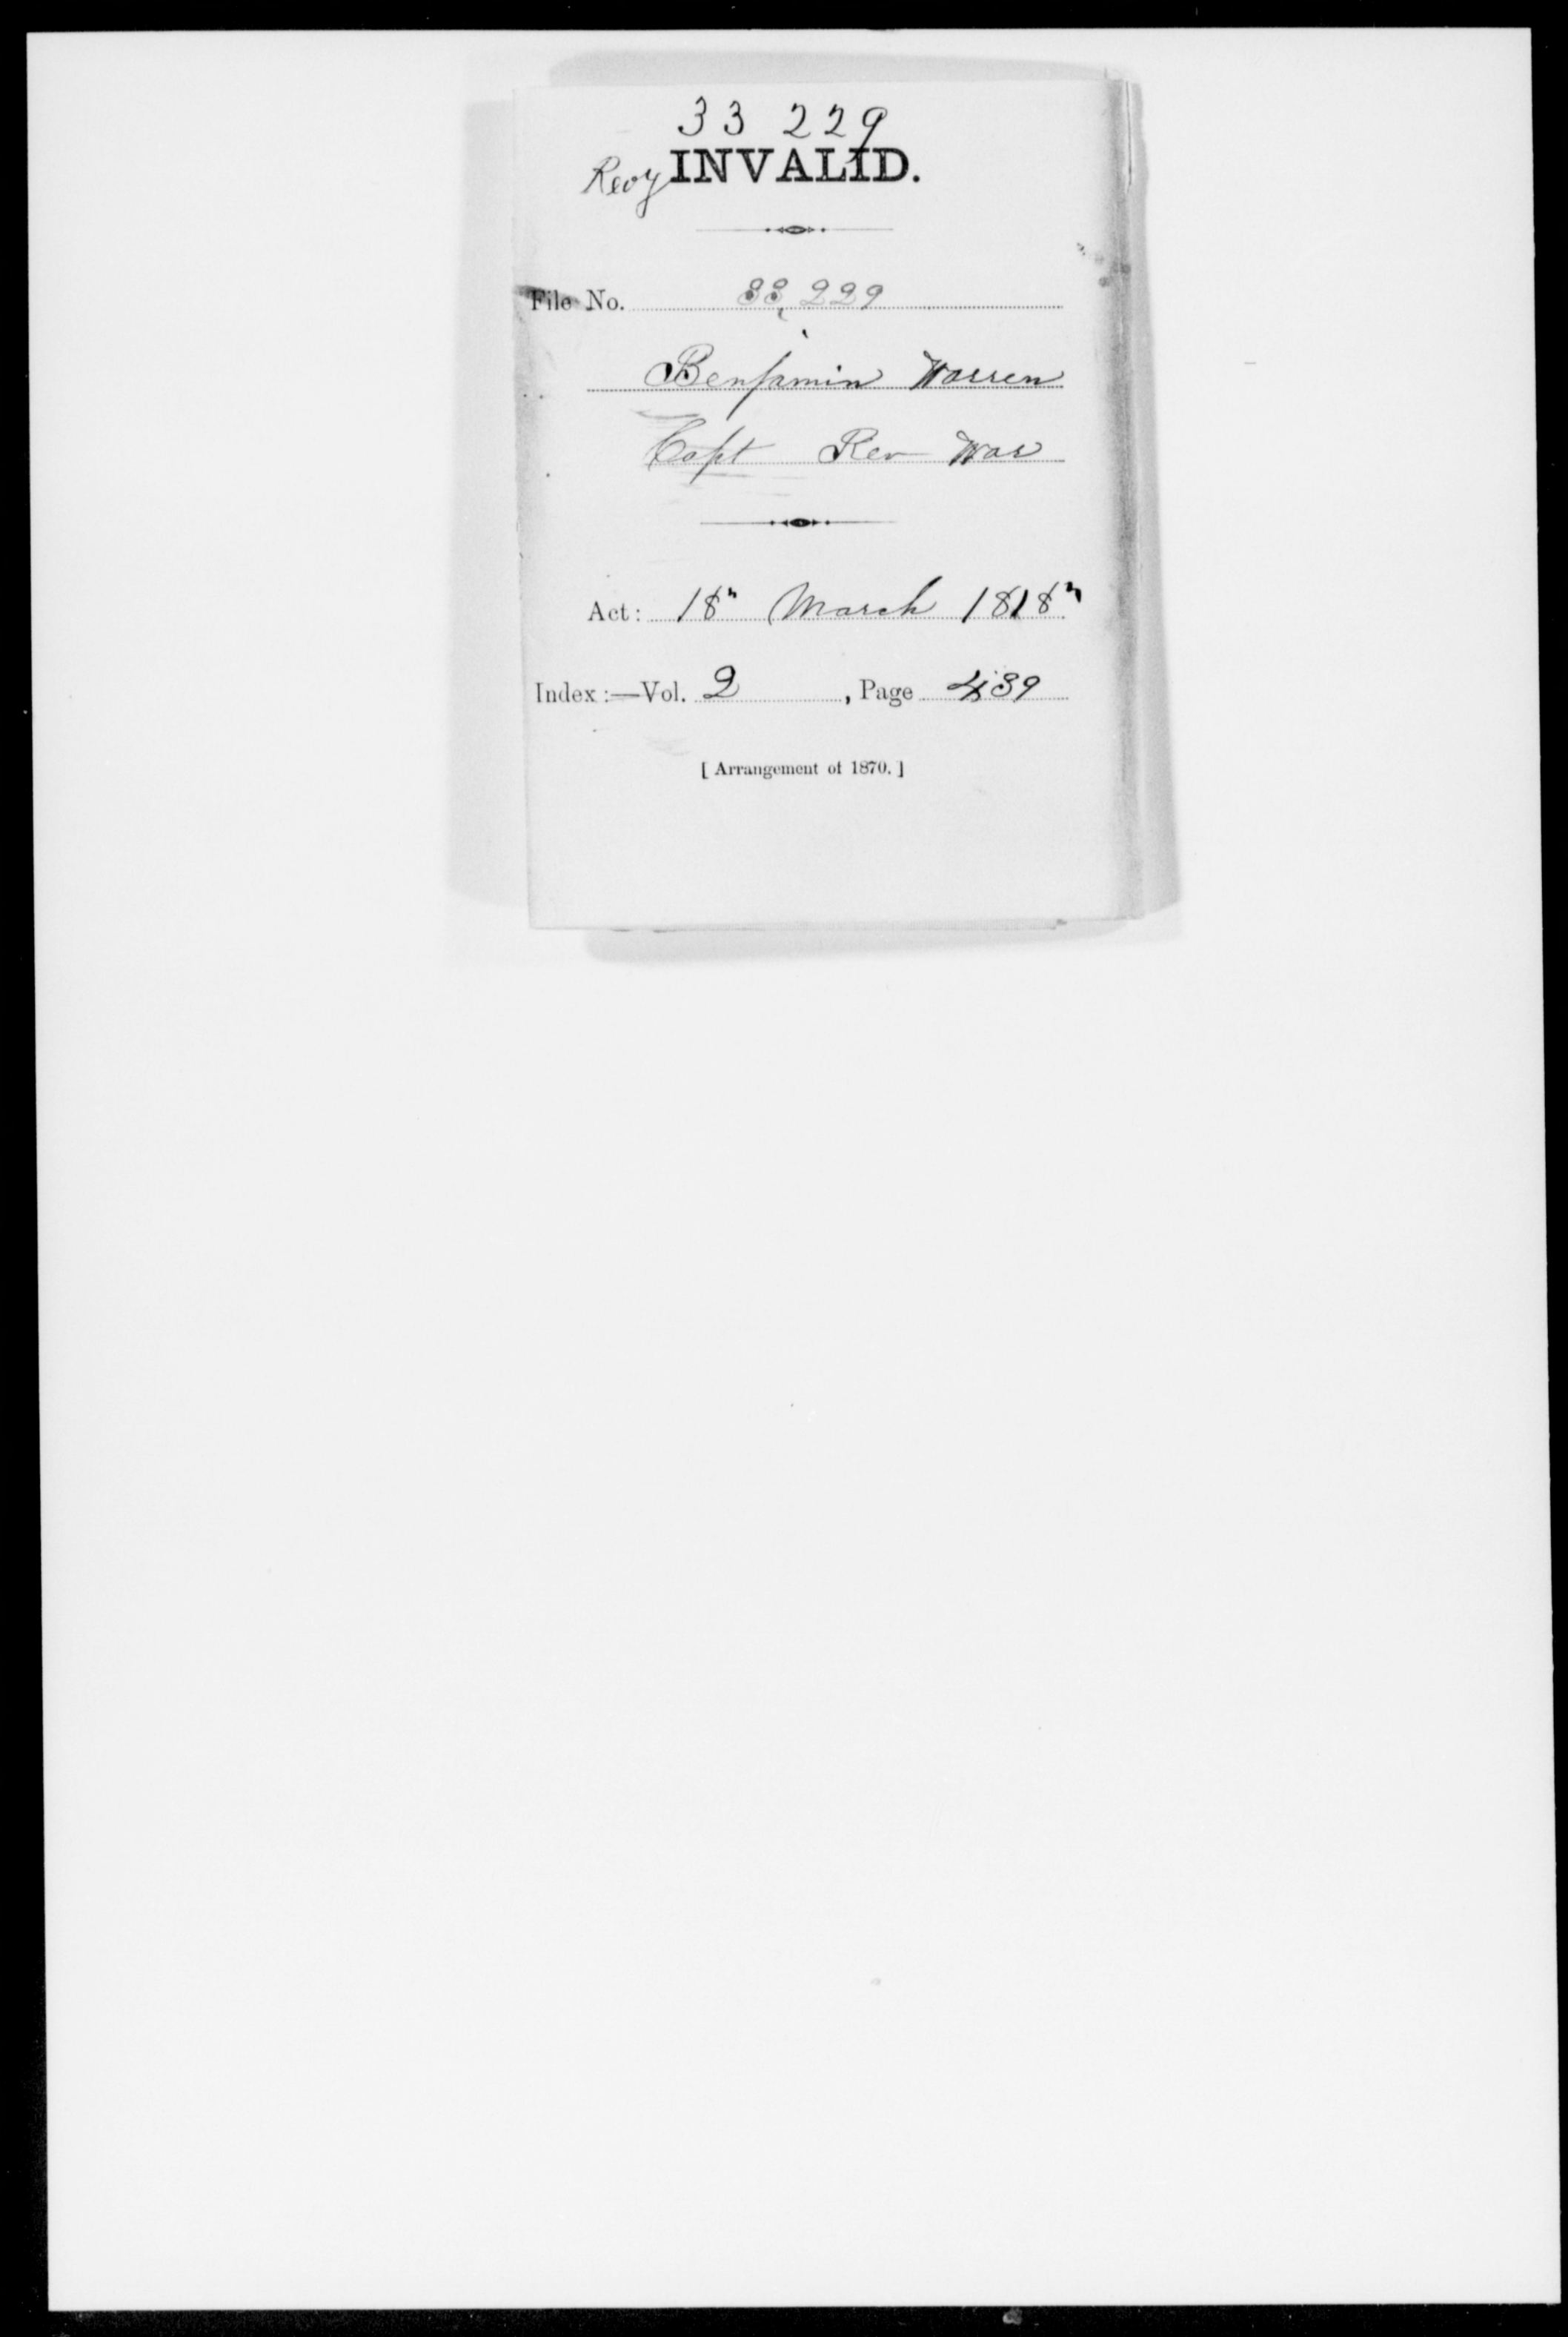33229
Revy, INVALID

File No. 33229
Benjamin Warren
Capt. Rev. War

Act: 18th March 1818
Index: Vol. 2 Page 439

[Arrangement of 1870]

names: Benjamin Warren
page: 15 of 16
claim: survivor's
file: S. 33229, Benjamin Warren, Mass.